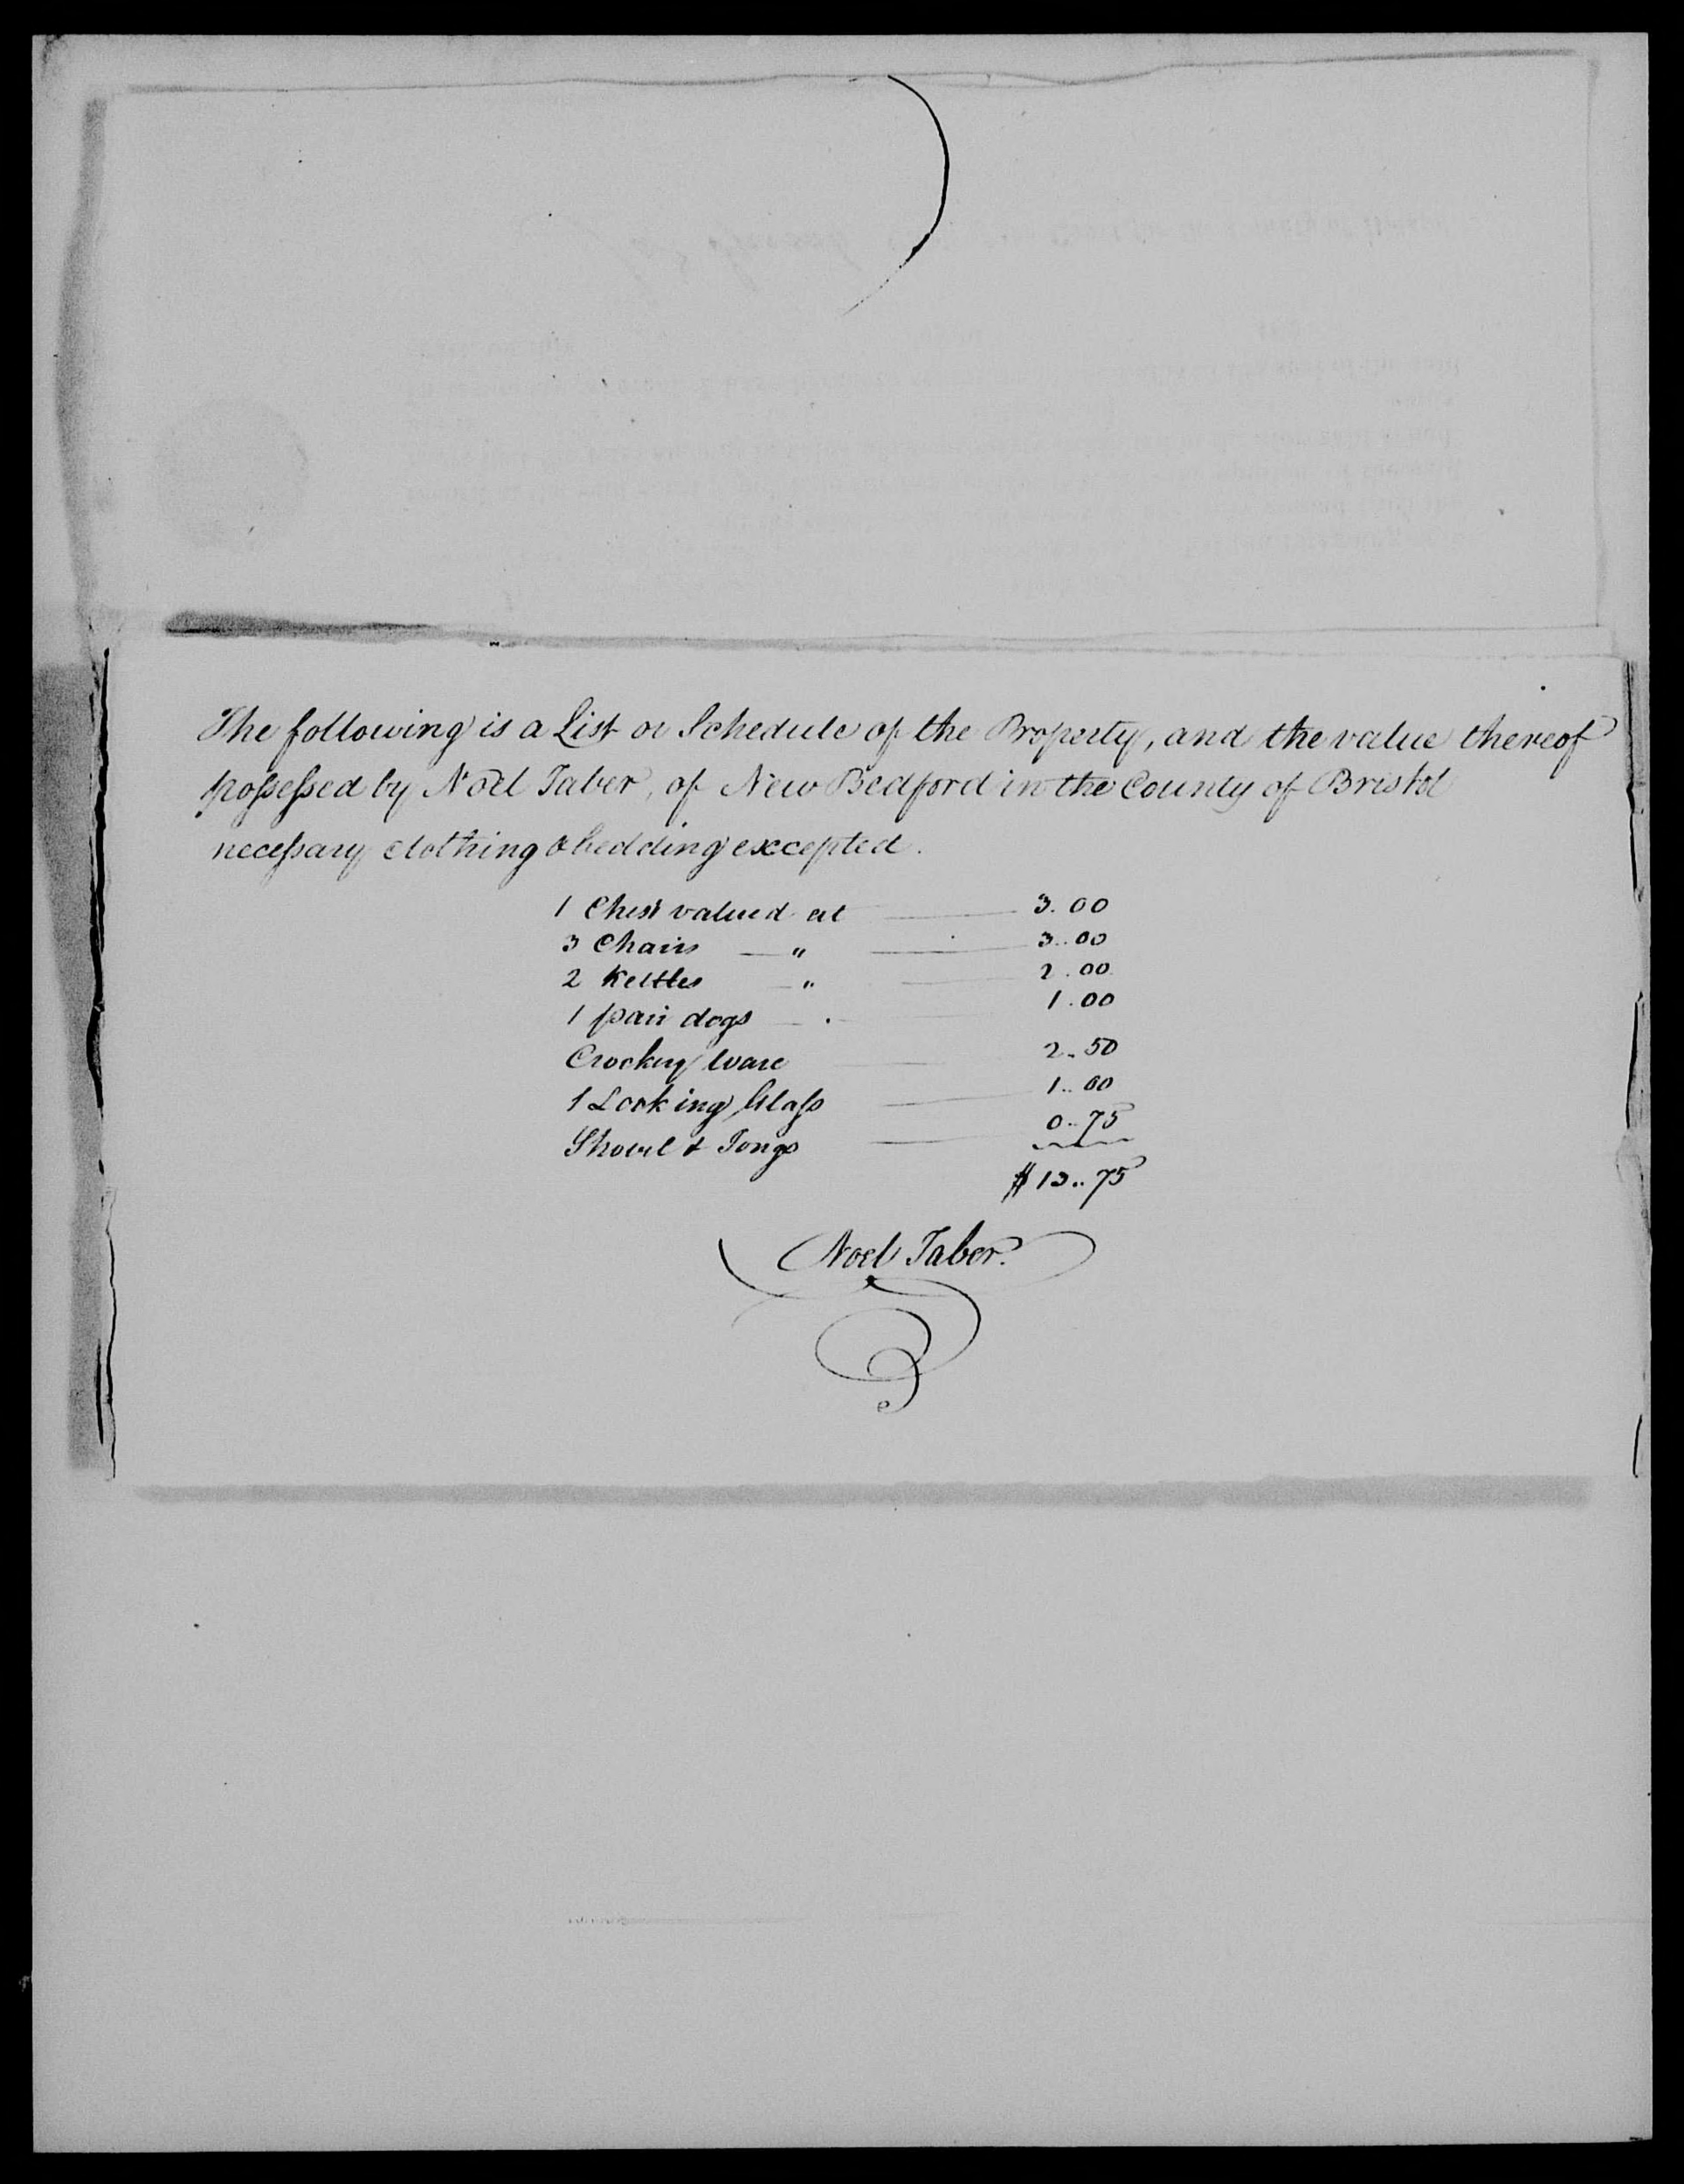The following is a list or schedule of the property and their value thereof
profesed by Noel Taber of New Bedford in the county of Bristol
nessary clothing & bedding excepted
1 chest valued at 3.00
3 chairs valued at 3.00
2 kettles valued at 2.00
1 pair dogs valued at 1.00
crockery ware valued at 2.50
1 looking glass valued at 1.00
shovel & tongs valued at 0.75
$12.75
Noel Taber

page: 8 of 22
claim: survivor's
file: S 33777, for Noel Taber, Rhode Island